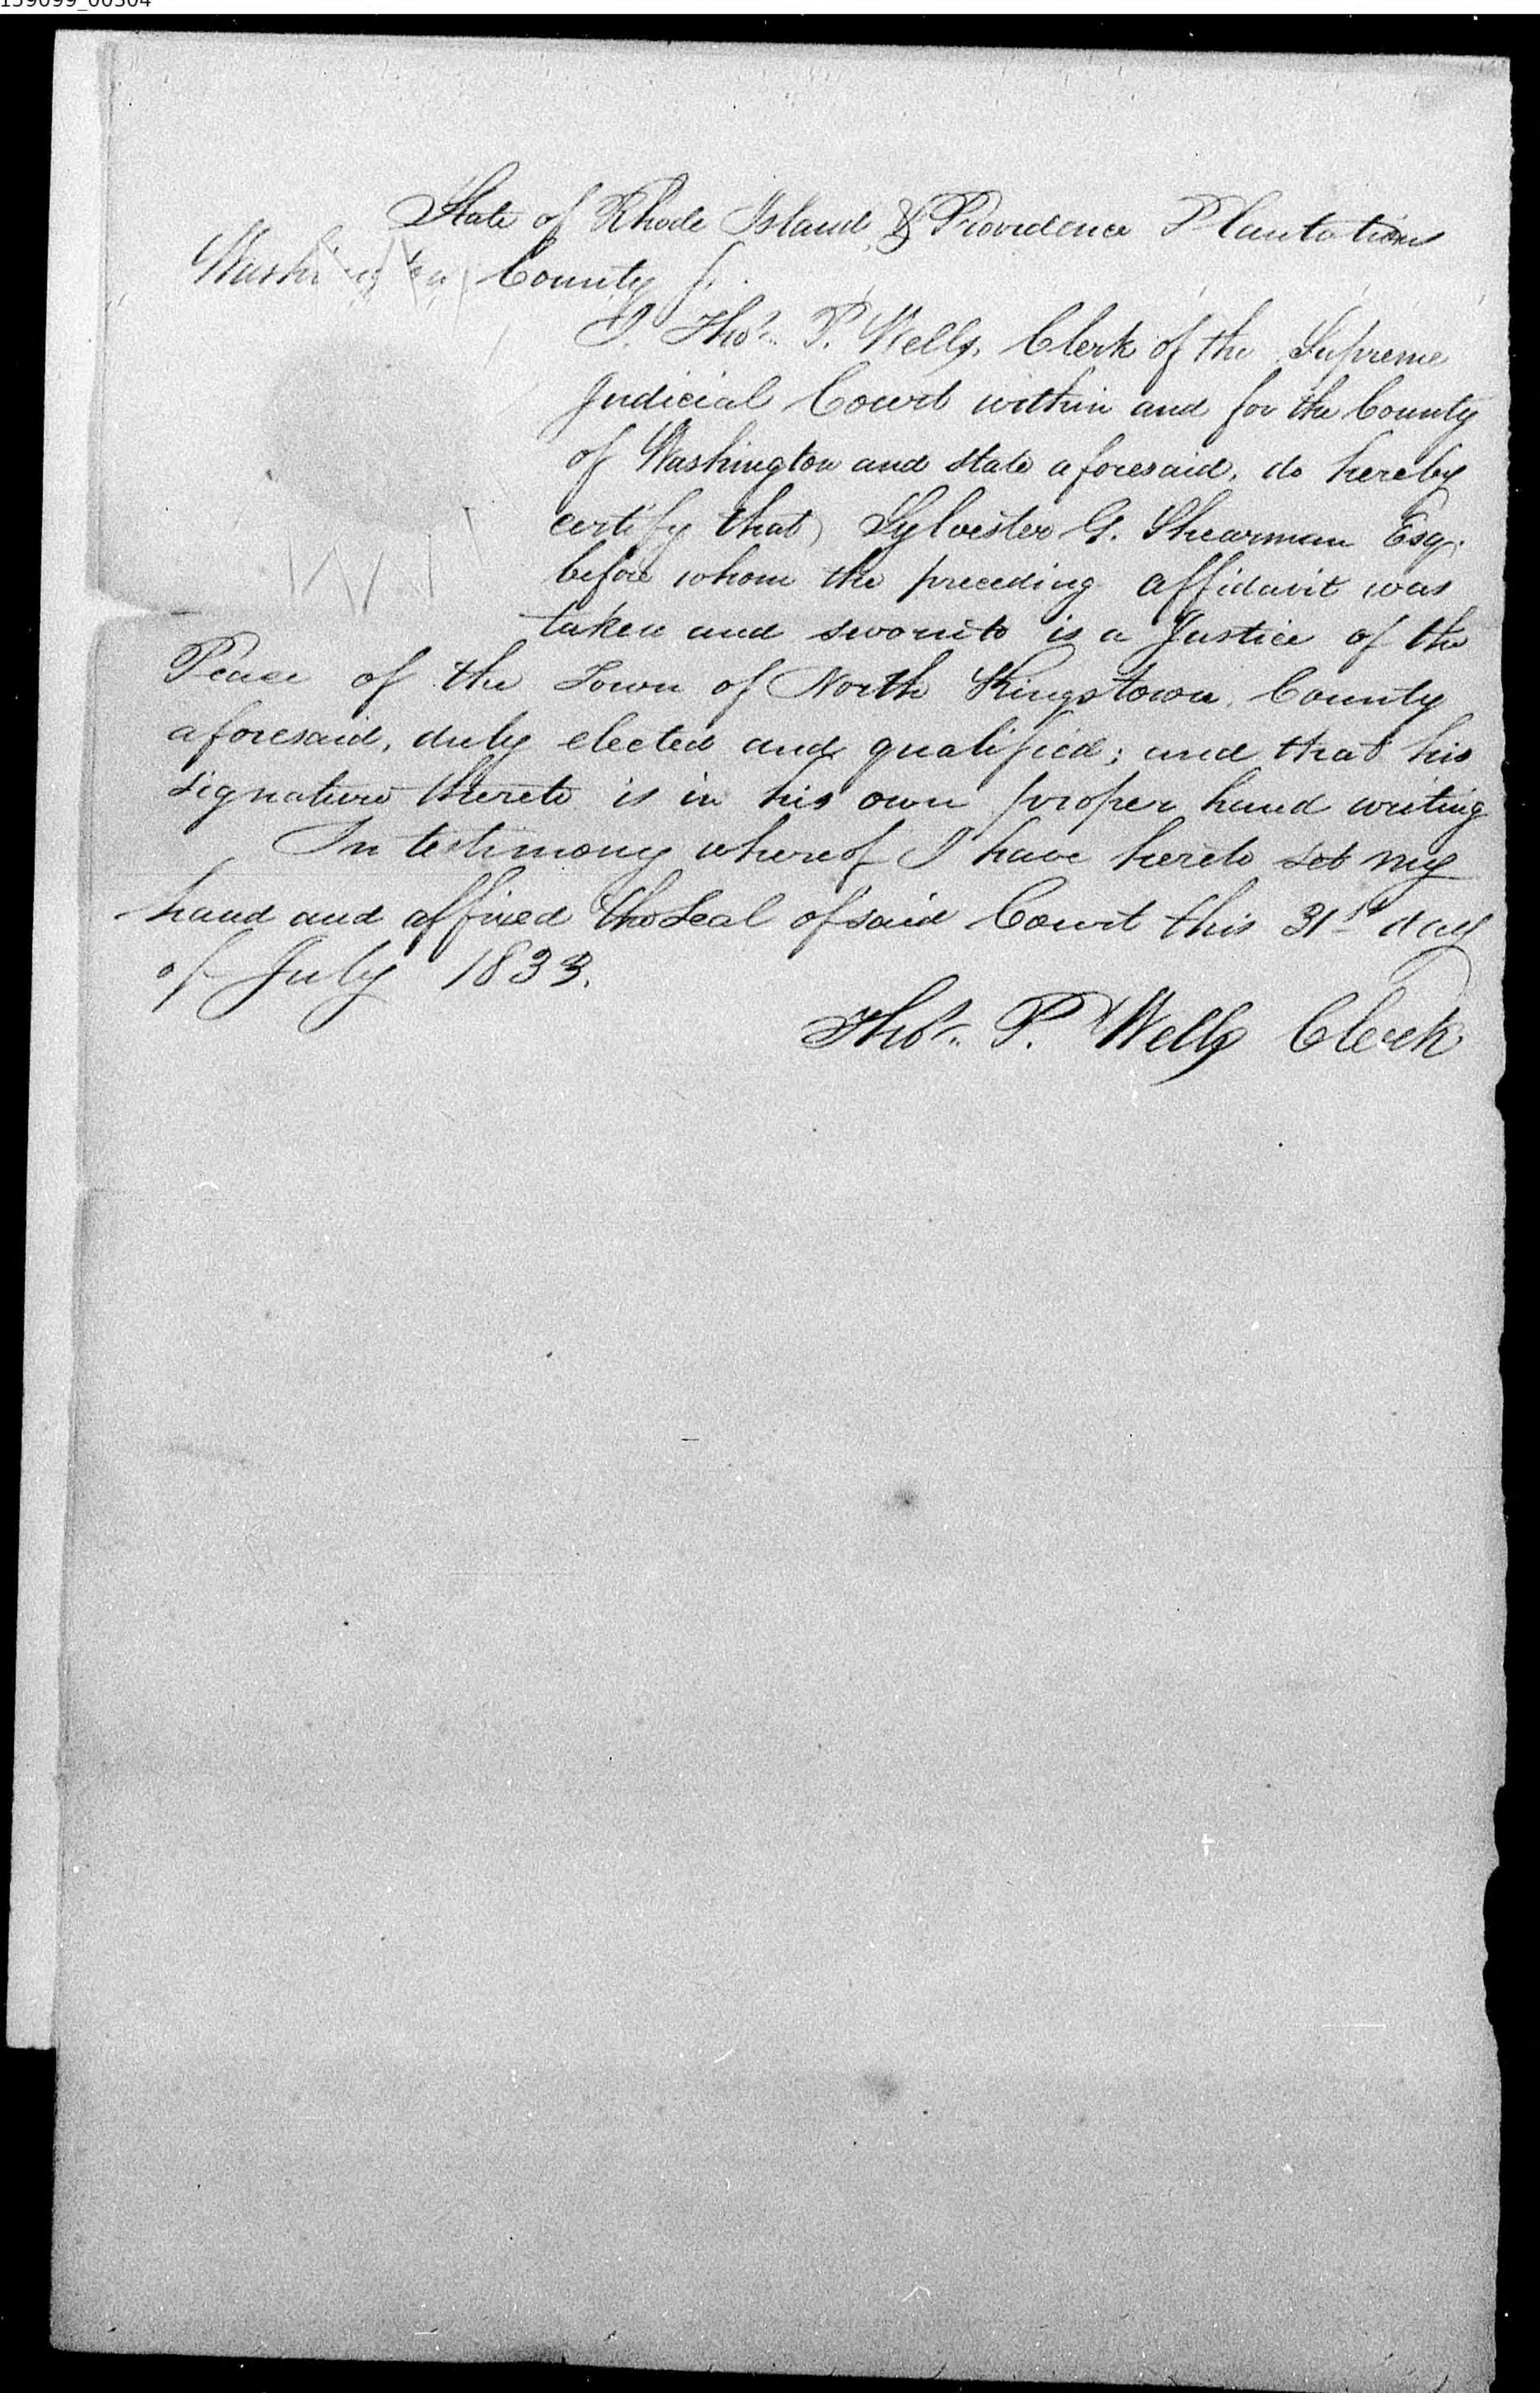State of Rhode Island & Providence Plantation 
Washington County
[seal]
I Tho P Wells, Clerk of the Supreme Judicial Court within and for the County of Washington and State aforesaid, do hereby certify that Sylvester G. Shearman Esq. before whom the preceding affidavit was taken and sworn to is a Justice of the Pease of the Town of North Kingstown, County aforesaid, duly elected and qualified; and that his signature thereto is in his own proper writing
In testimony whereof I have hereto set my hand and affixed the Seal of said Court this 31 day of July 1833.
Tho. P. Wells Clerk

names: Thos P Wells, Sylvester G Shearman, Thos P Wells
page: 21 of 27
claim: survivor's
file: S. 21,245, David Greene, R.I.